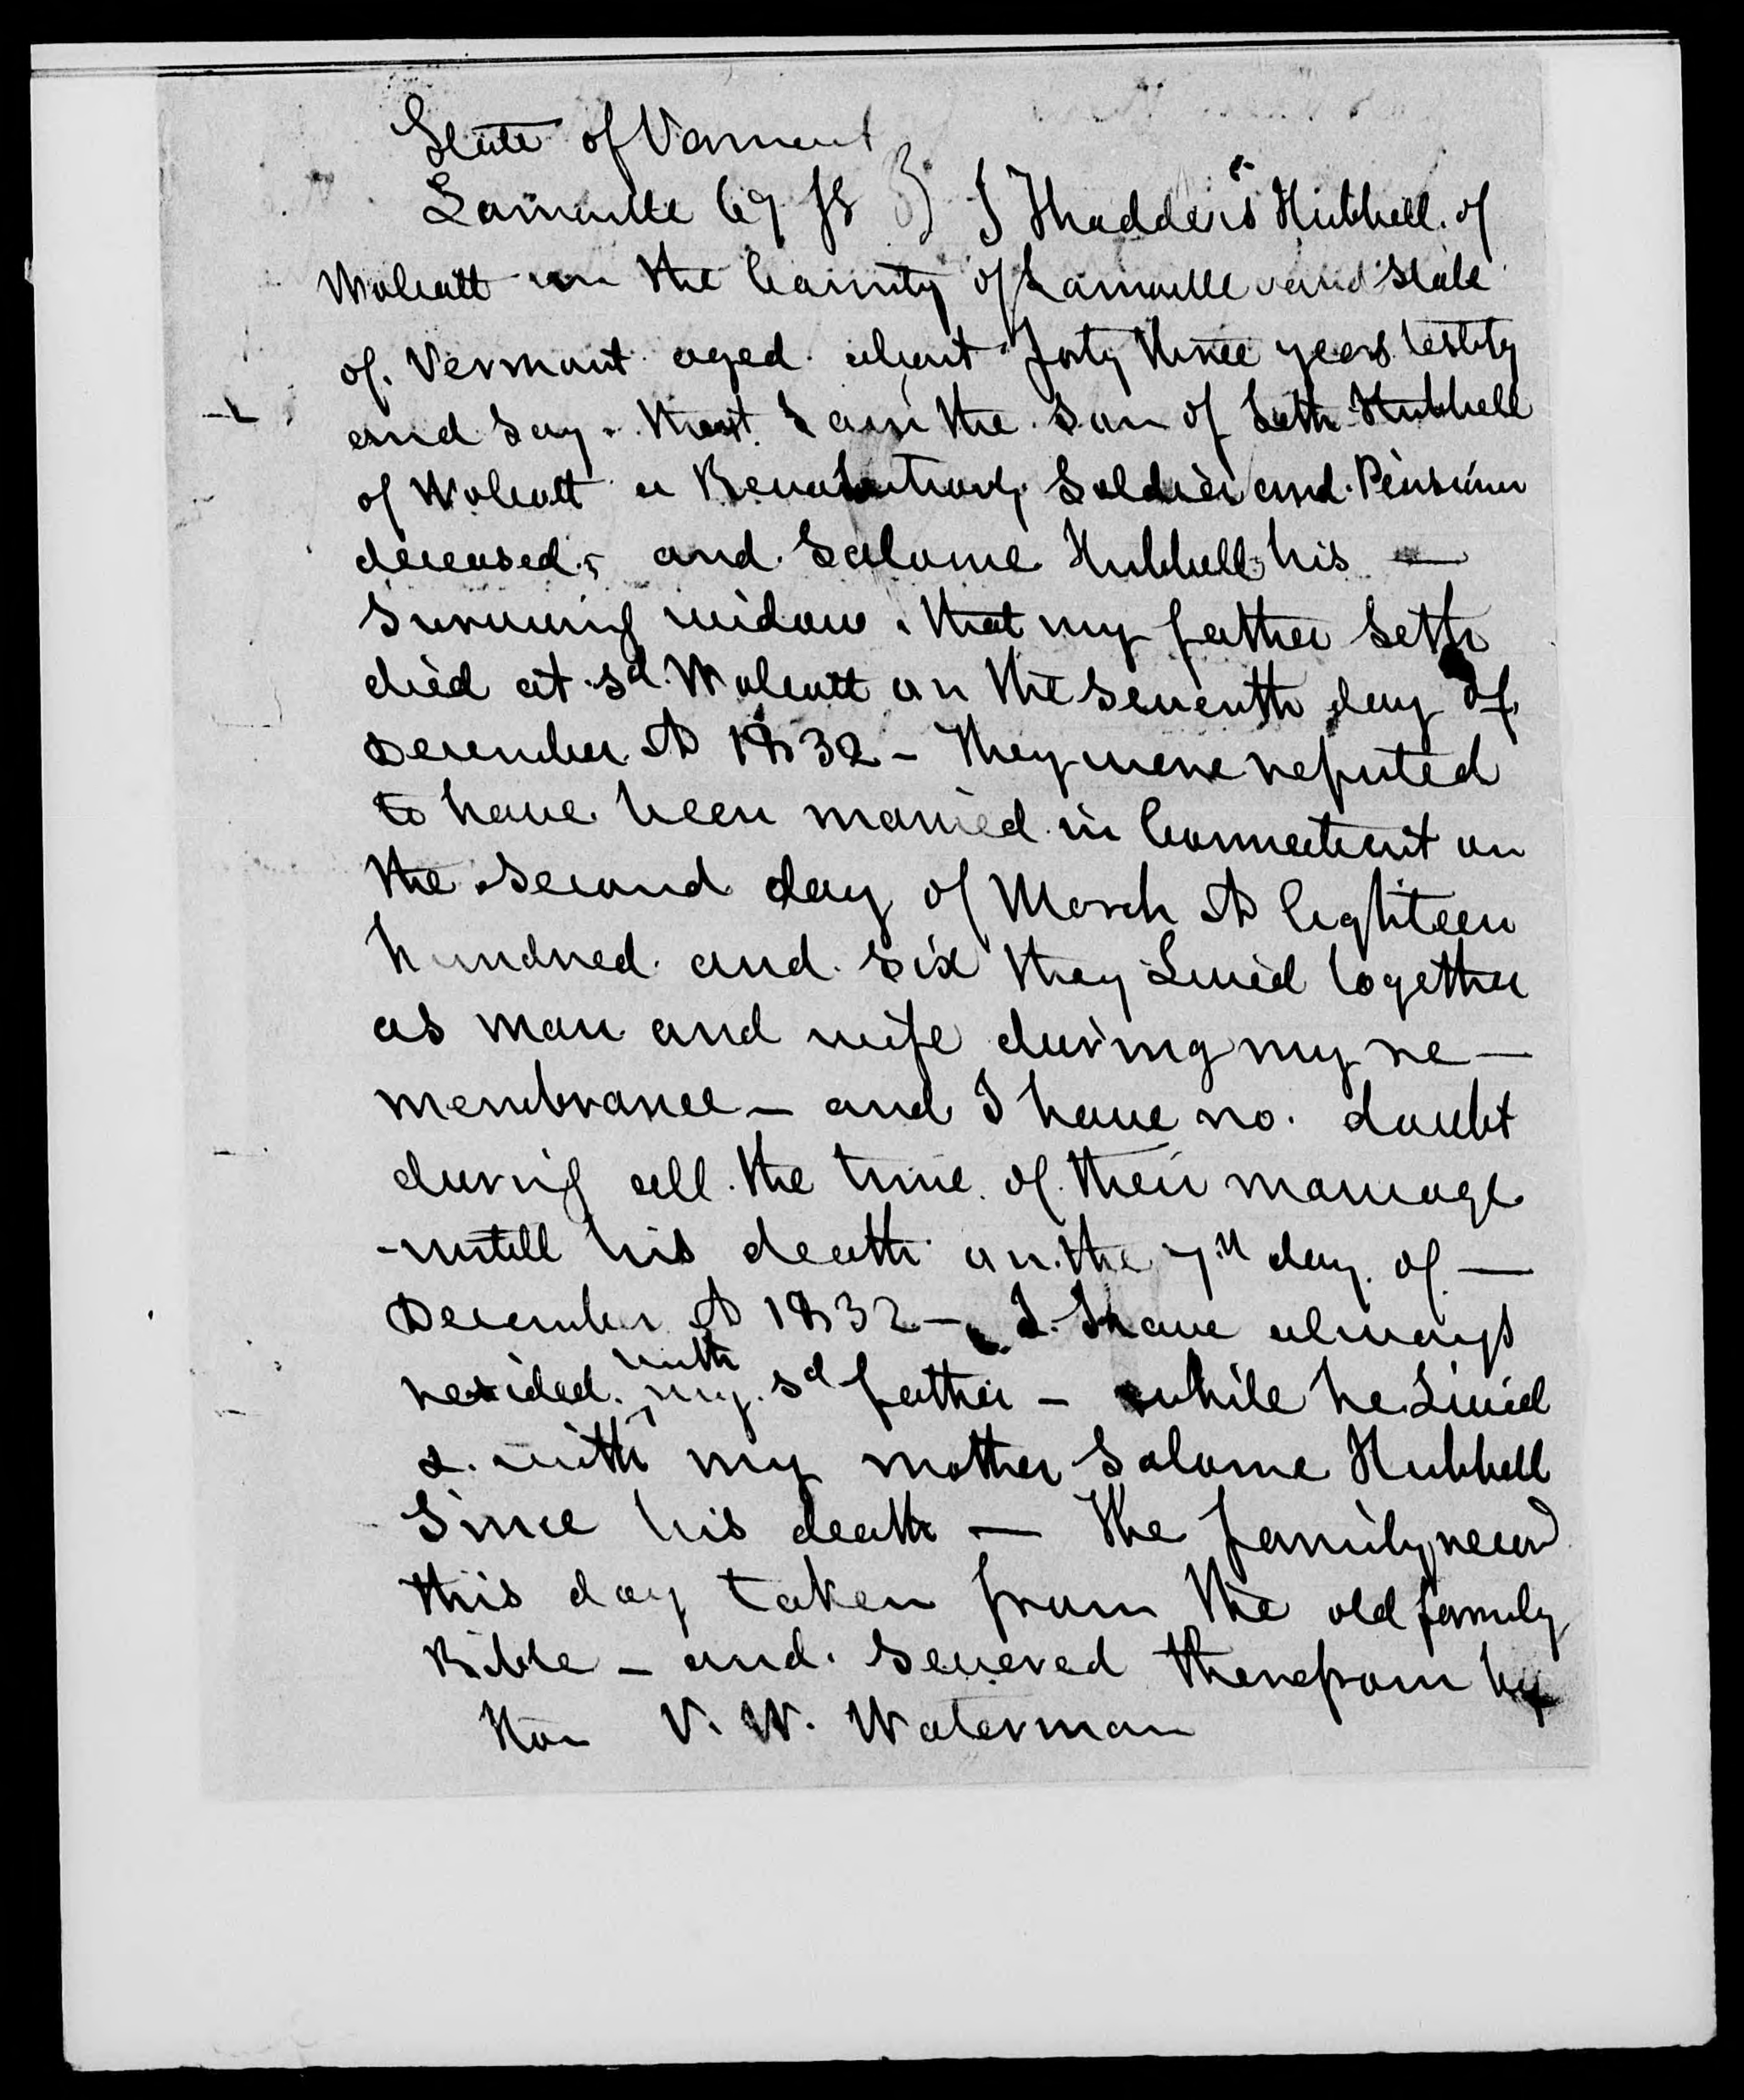State of Vermont
Lamoille Cy ss      } I Thaddeus Hubbell of Walcott in the County of Lamoille and state of Vermont aged about Forty three years testify and say that I am the son of Seth Hubbell of Walcott a Revolutionary soldier and Pensioner deceased and Salome Hubbell his -- surviving widow, that my father Seth died at sd Walcott on the seventh day of December AD 1832 - They were reputed to have been married in [illegible] on the second day of March AD eighteen hundred and six they lived together as man and wife during my remembrance - and I have no doubt during all the time of their marriage untill his death on the 7th day of December AD 1832 - I have always resided with my sd father - while he lived & with my mother Salome Hubbell since his death - The family record this day taken from the old family Bible - and [illegible] therefrom by Honl V.W. Waterman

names: Thaddeus Hubbell, Seth Hubbell, Salome Hubbell, V W Waterman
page: 26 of 114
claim: widow's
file: W. 2115, Seth Hubbell, Conn.